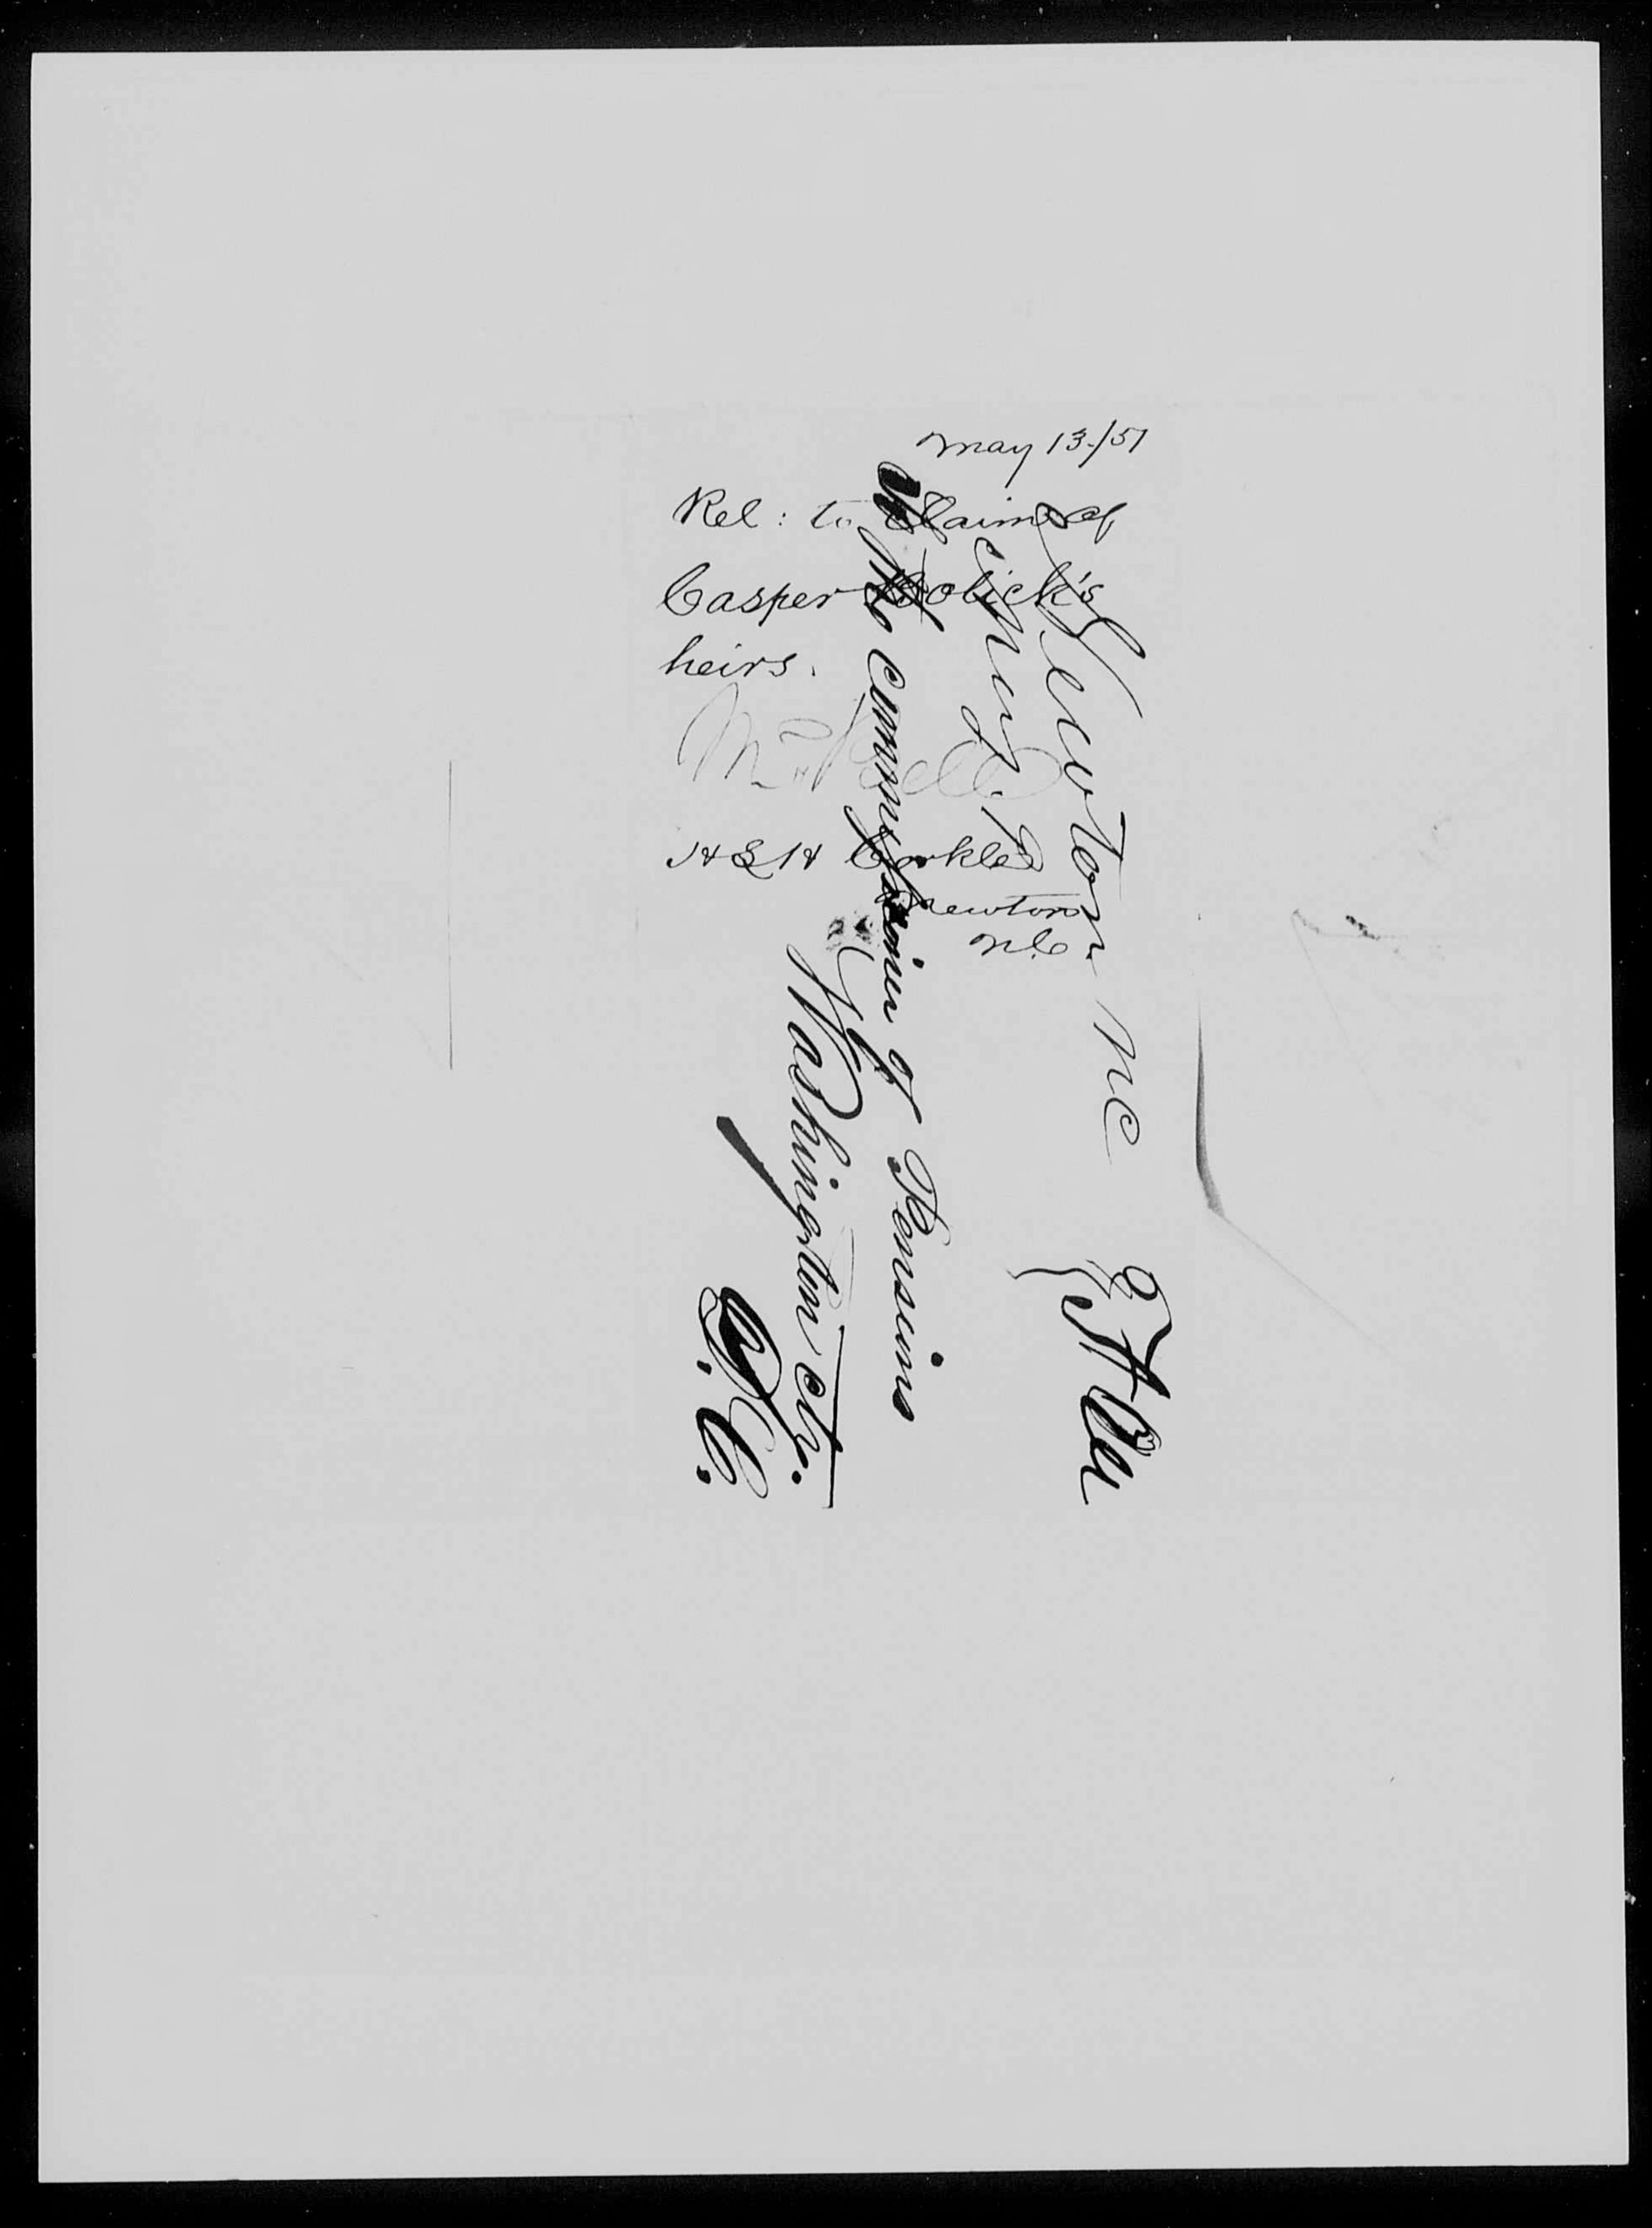May 13/ 51
Rel: to claim of Casper Bolicks heirs.
McBell
J & S & Corkle
Newton 
N.C.

Newton N.C.     Free
May 9 
to the Commissioner of Pensions
Washington City
D. C.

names: Casper Bolick, H L H Corkle, Bell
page: 25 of 43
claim: widow's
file: W. 18,566, Casper Bolick, N.C.